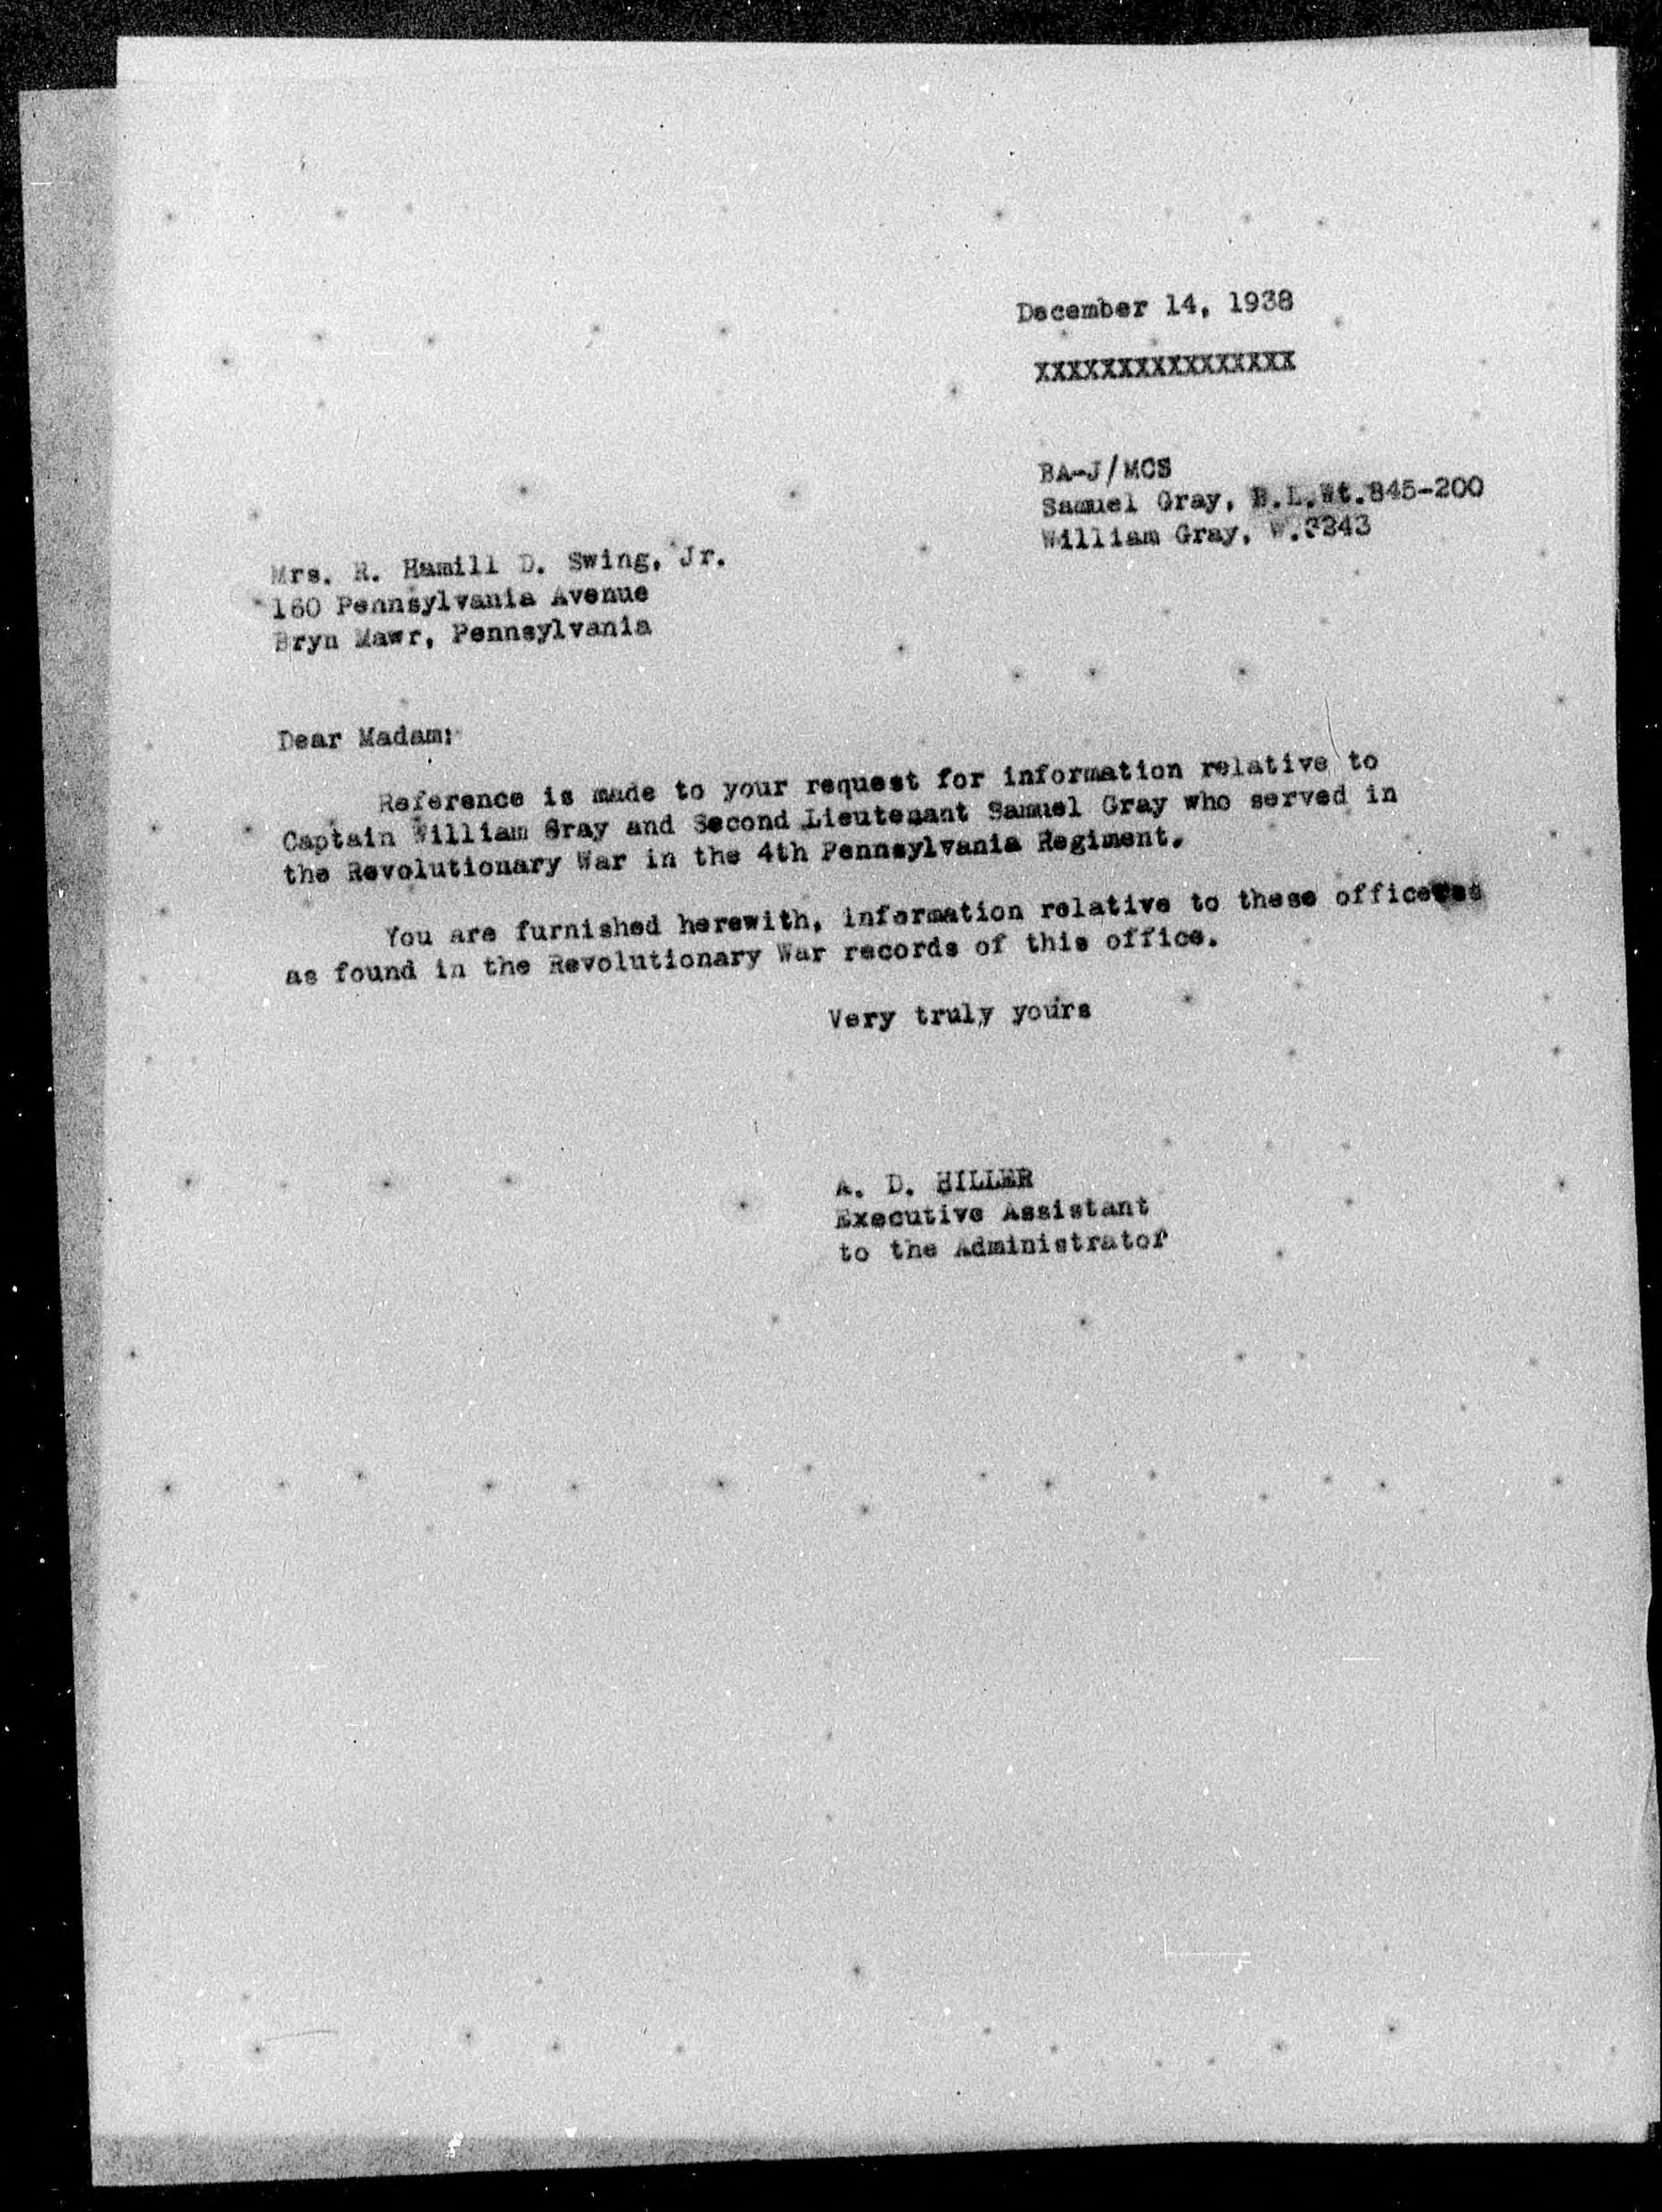December 14, 1938
xxxxxxxxxxxxxxxxxx

BA-J./MCS
Samuel Gray, B. L. Wt. 845-200
William Gray, W. 3343

Mrs. R. Hamill D. Swing, Jr.
160 Pennsylvania Avenue
Bryn Mawr, Pennsylvania

Dear Madam:

Reference is made to your request for information relative to Captain William Gray and Second Lieutenant Samuel Gray who served in the Revolutionary War in the 4th Pennsylvania Regiment.

You are furnished herewith, information relative to these officers as found in the Revolutionary War records of this office.

Very truly yours

A. D. HILLER
Executive Assistant
to the Administrator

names: William Gray, Samuel Gray, Samuel Gray, A D Hiller, R Hamill D Swing, William Gray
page: 3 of 7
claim: bounty land warrant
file: B. L. Wt. 845-200, Samuel Gray, Penn